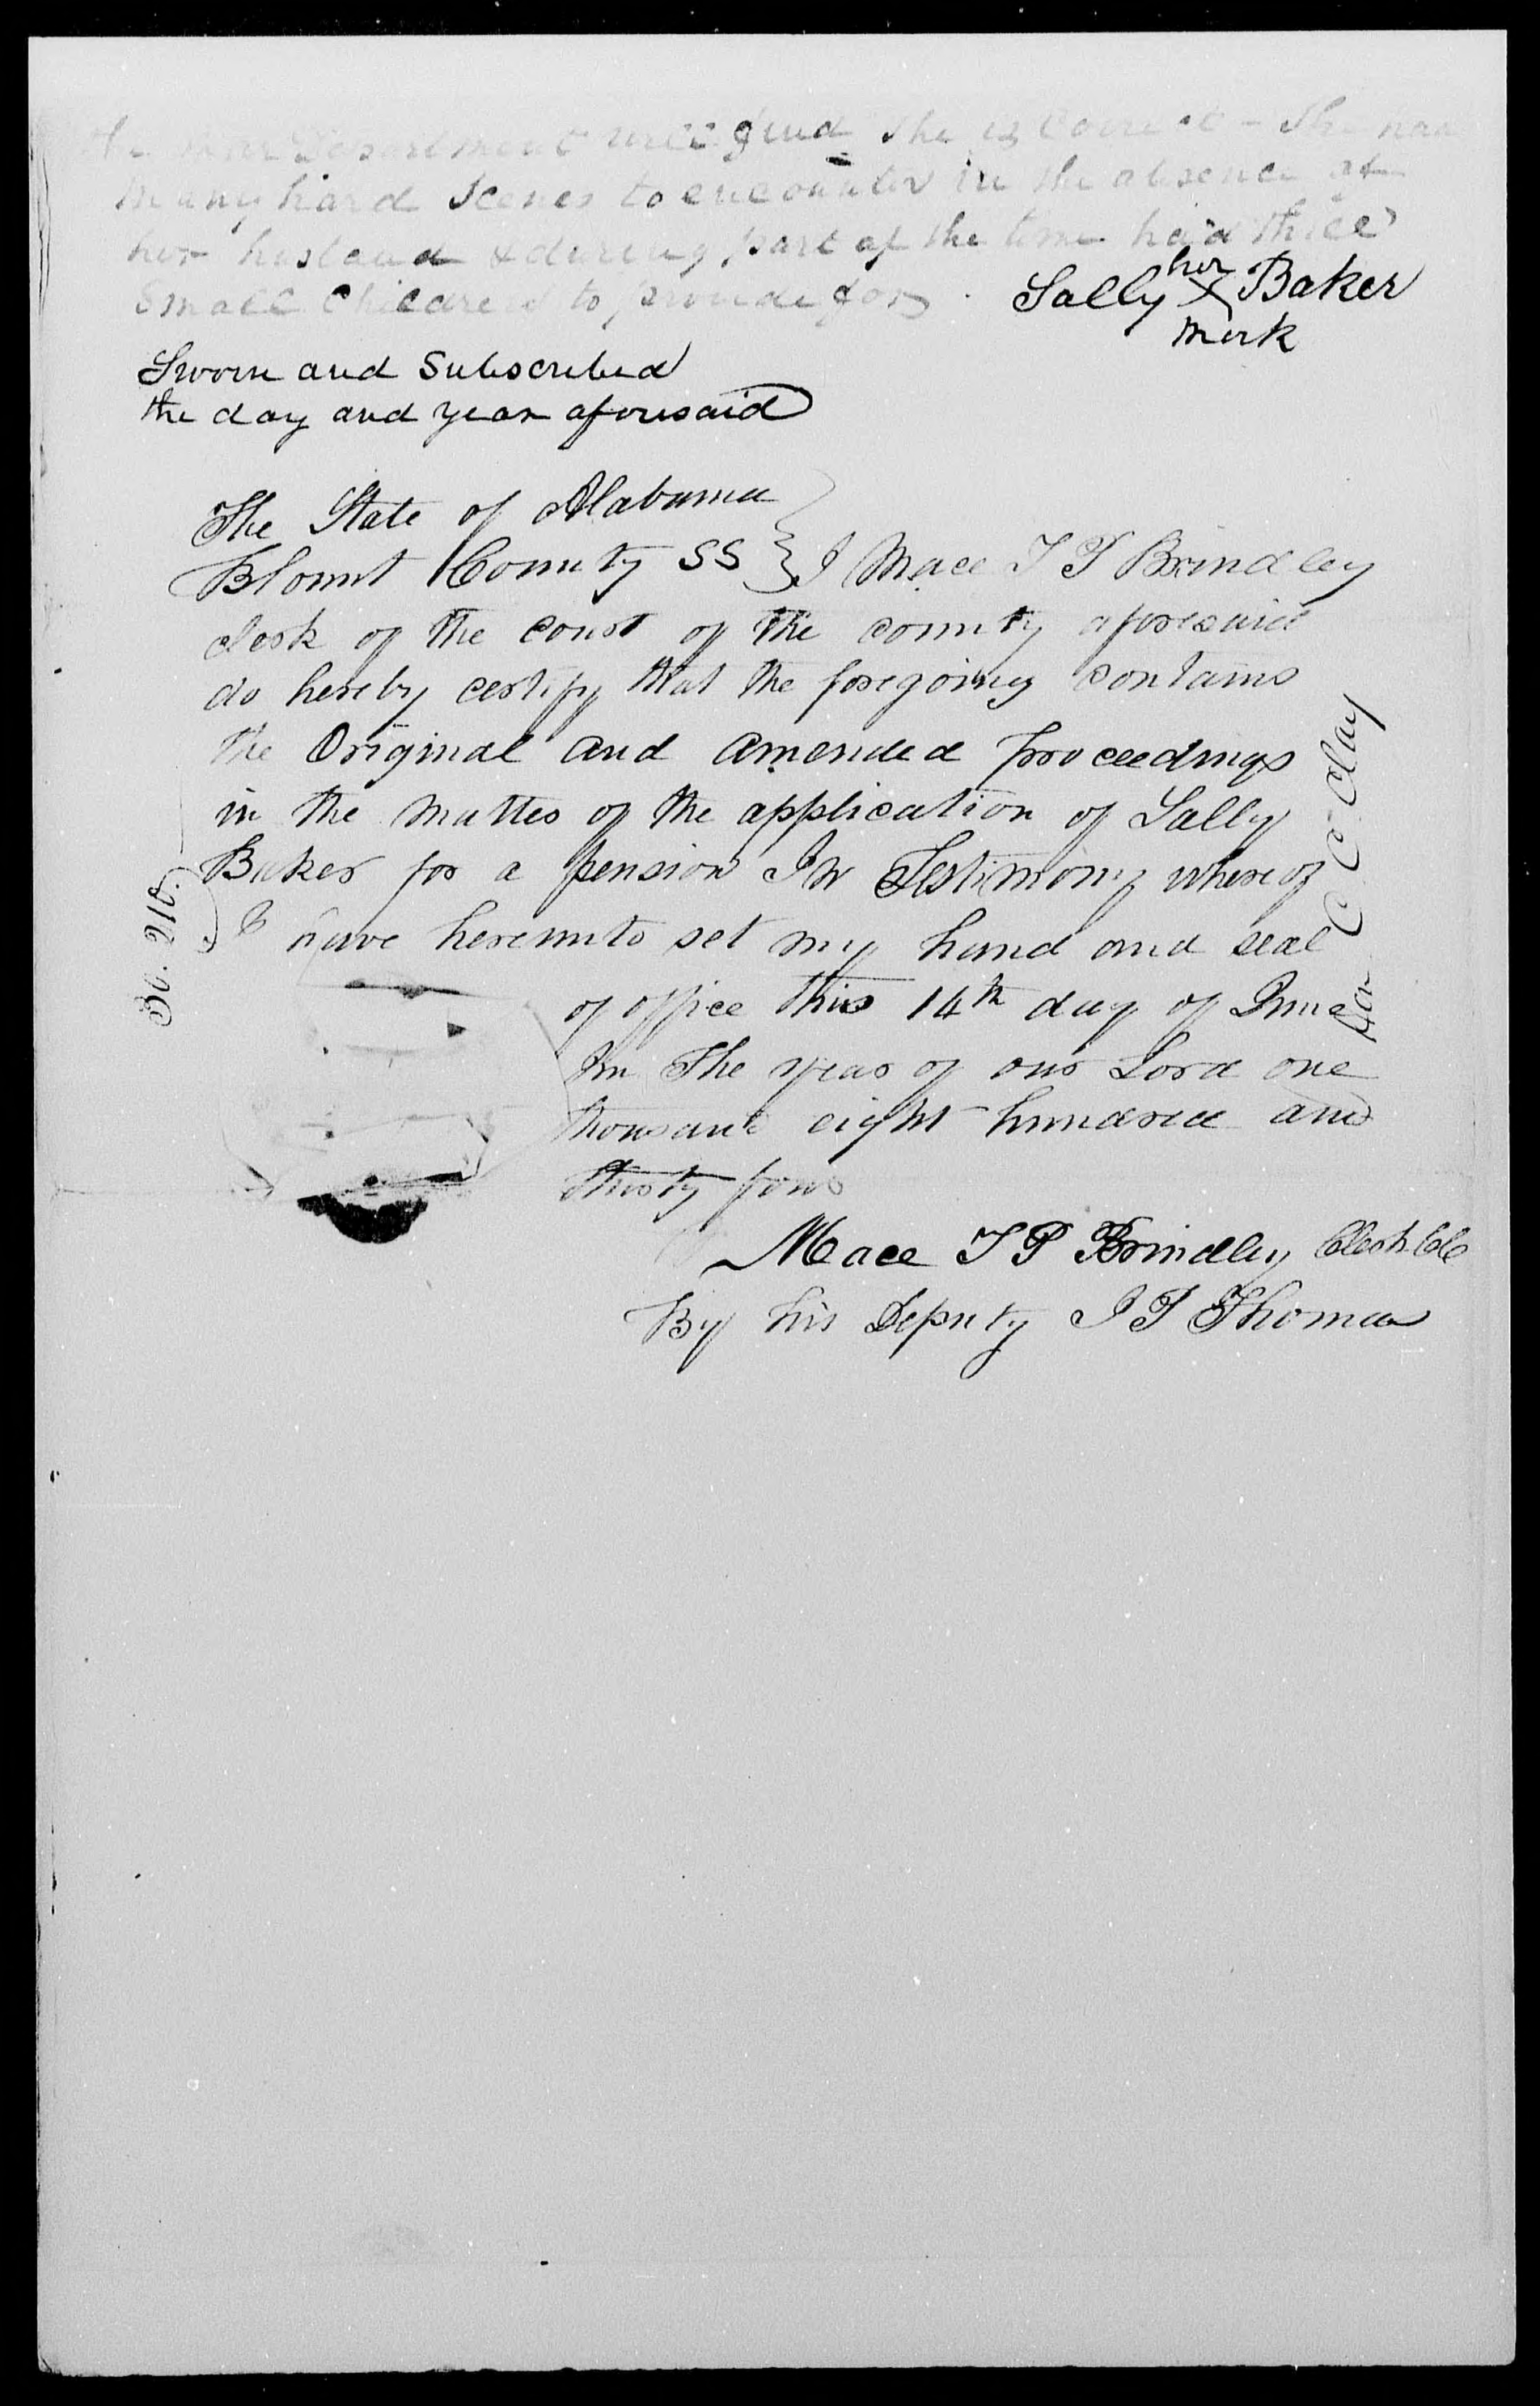[illegible first line] She had many hard scenes to encounter  in the absence of her husband & during part of the time had three small children to provide for. Sally Baker X Her mark
Sworn and Subscribed the day and year aforesaid
The State of Alabama
Blount County SS}  I Mace T P Brindley clerk of the court of the county aforesaid do hereby certify that the foregoing contains the Original and amended proceedings
in the matter of the application
of Sally Baker for a pension In Testimony whereof I have hereunto set my hand and seal of office this 14th day of June in the year of our Lord one thousand eight hundred and
thirty four
Mace T P Brindley Clerk CC
By his Deputy T P Thomas
30.210. [left lower margin]
Hon C.C. Clay [right side margin]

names: Sally Baker, J P Thomas, C C Clay, Mace T P Brindley, Mace T P Brindley, Sally Baker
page: 13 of 22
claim: rejected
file: R. 411, Elisha Baker, N.C.